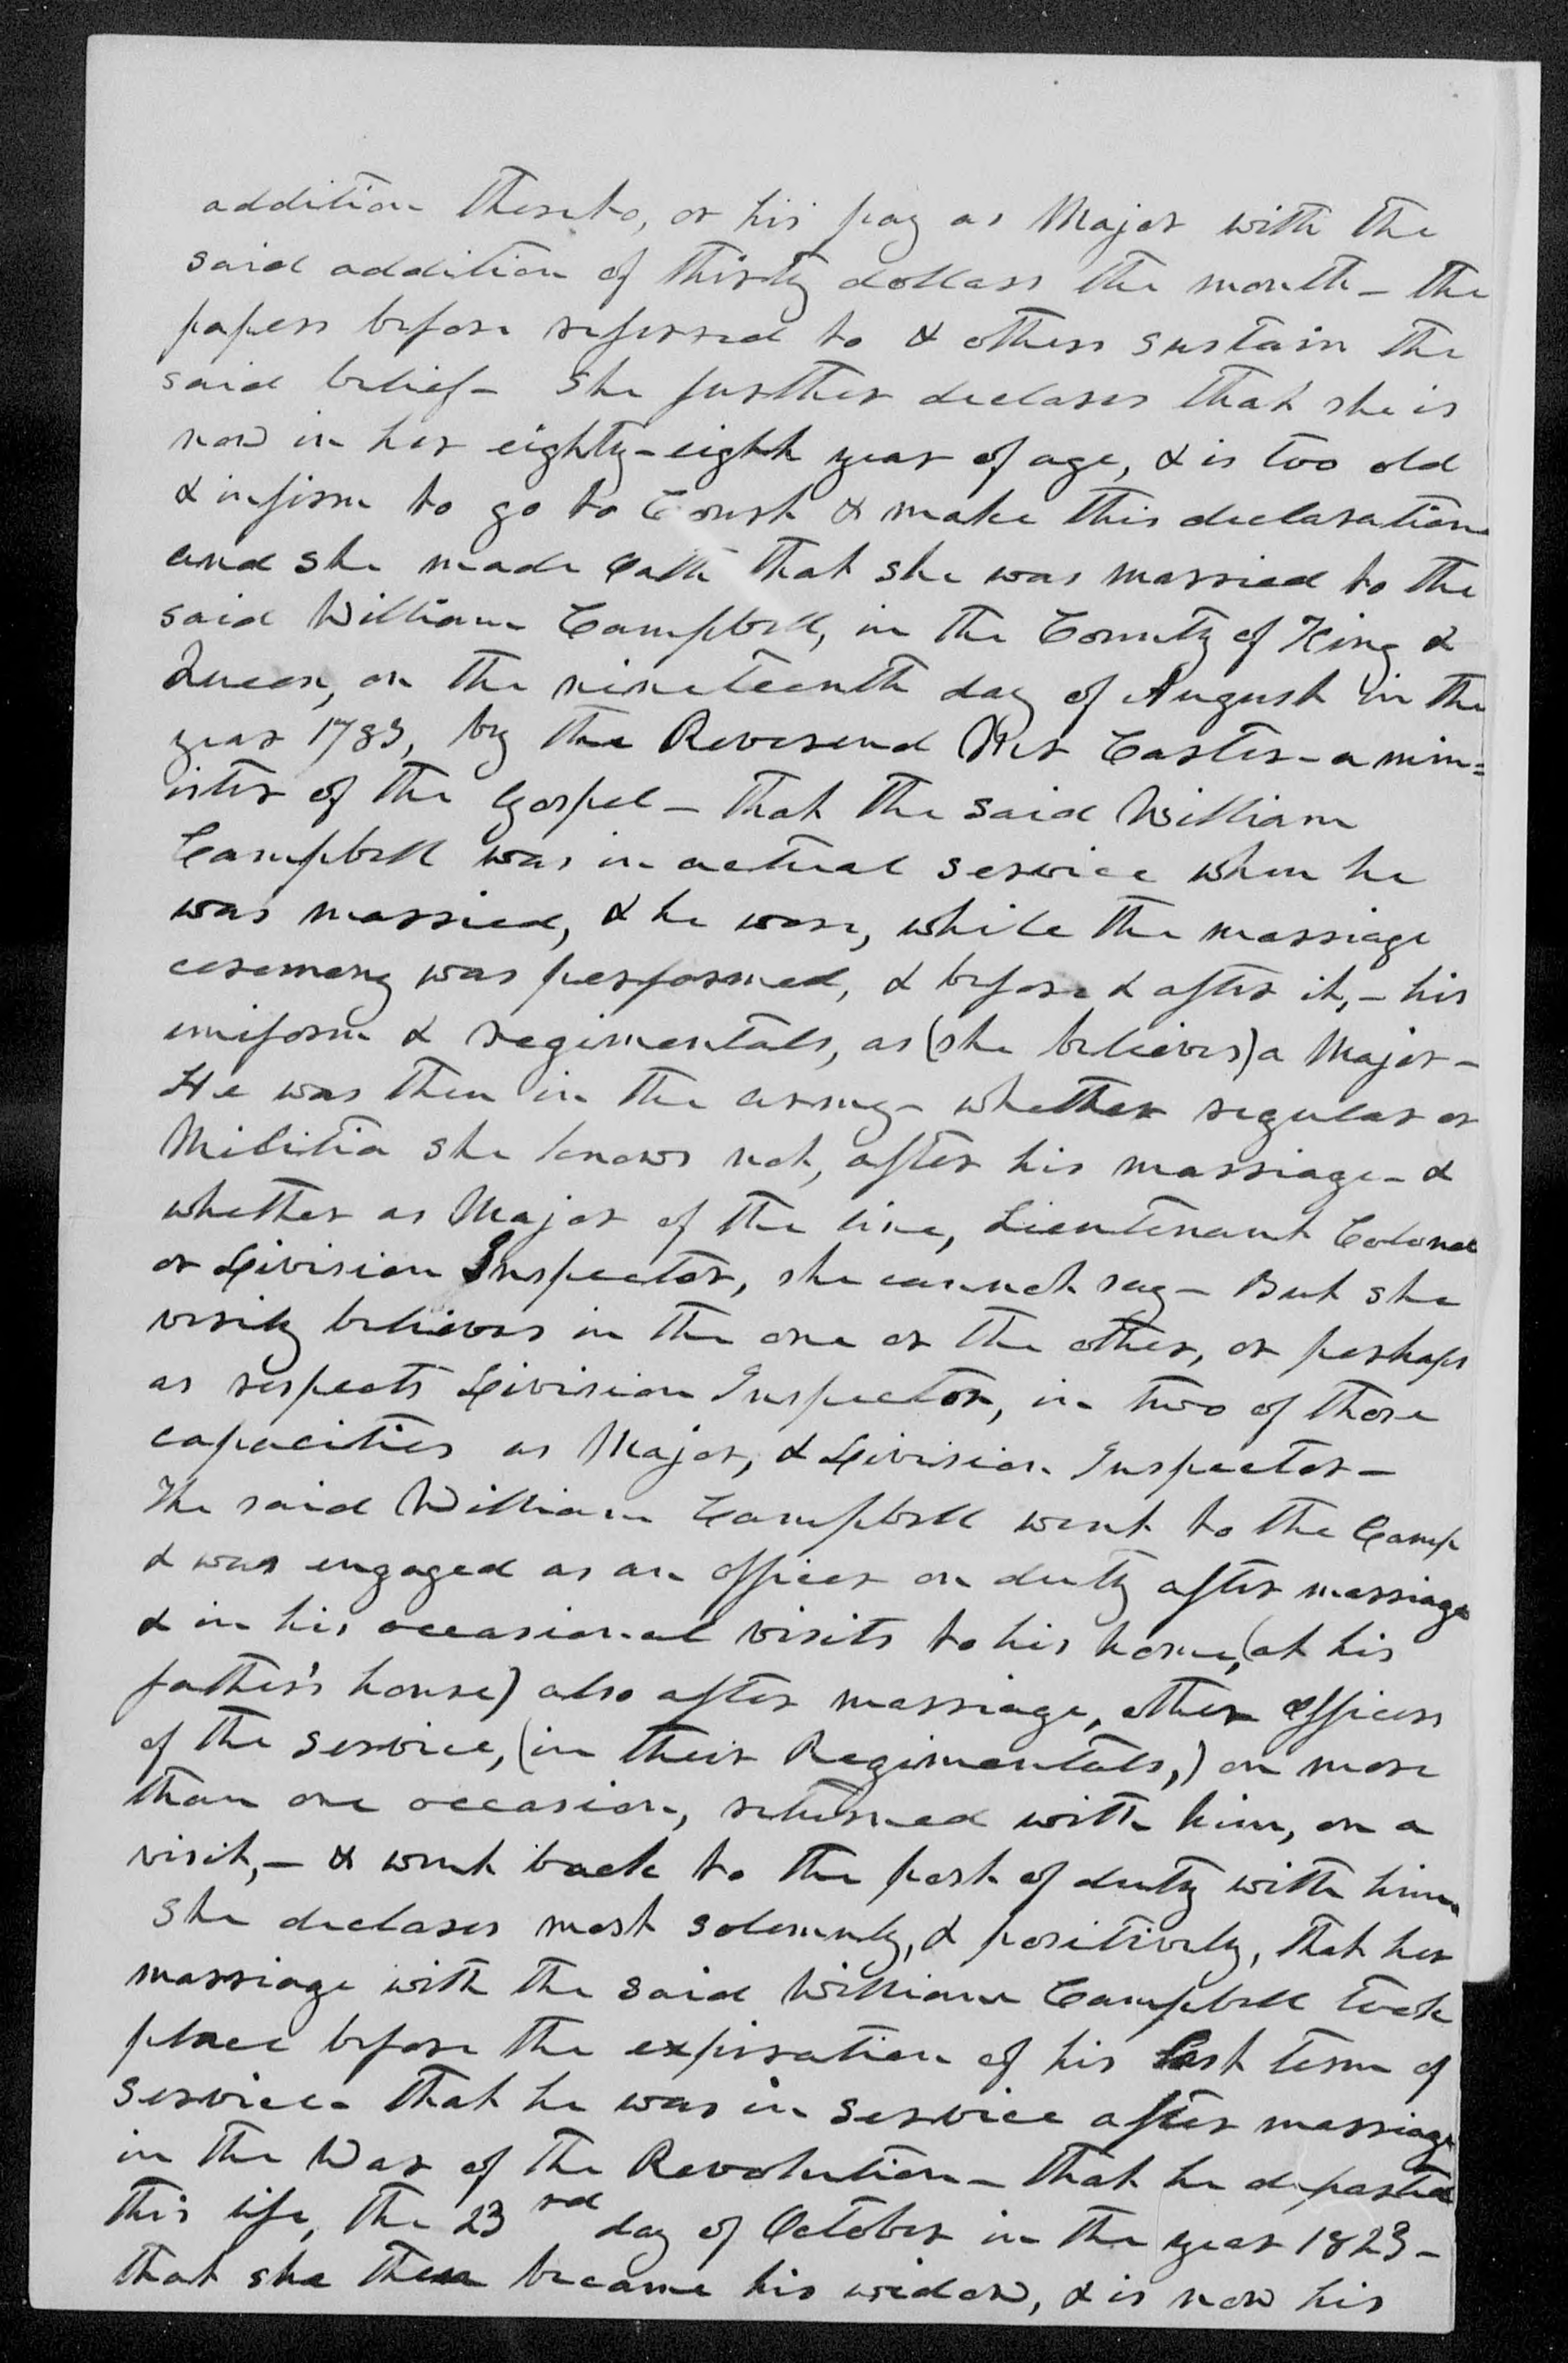addition thereto, or his pay as Major with the said addition of thirty dollars the month _ the papers before referred to +[and] others sustain the said belief _  She further declares that she is now in her eighty-eigth year of age, +[and] is too old +[and] infirm to go to Court +[and] make this declaration and she made oath that she was married to the said William Campbell, in the County of King +[and] Queen, on the nineteenth day of August in the year 1783, by the Reverend Mr Carter _ a minister of the Gospel __ that the said William Campbell was in military service when he was married,  +[and] he wore, while the marriage ceremony was performed, +[and] before +[and] after it, __ his uniform +[and] regimentals, as (she believes) a Major -- He was then in the army __ whether regular or Militia she knows not, after his marriage _ +[and] whether as Major of the line, Lieutenant Colonel or Division Inspector, she cannot say __ But she verily believes in the one or the other, or perhaps as respects Division Inspector, in two of these capacities as Major, +[and] +[and] Division Inspector -- The said William Campbell went to the Camp +[and] was engaged as an officer on duty after marriage in the War of the Revolution __ that he departed this life, the 23rd day of October in the year 1823 __ that she then became his widow, +[and] is now his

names: William Campbell, William Campbell, William Campbell, William Campbell, Carter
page: 117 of 267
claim: widow's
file: W. 4,149, William Campbell, Va.